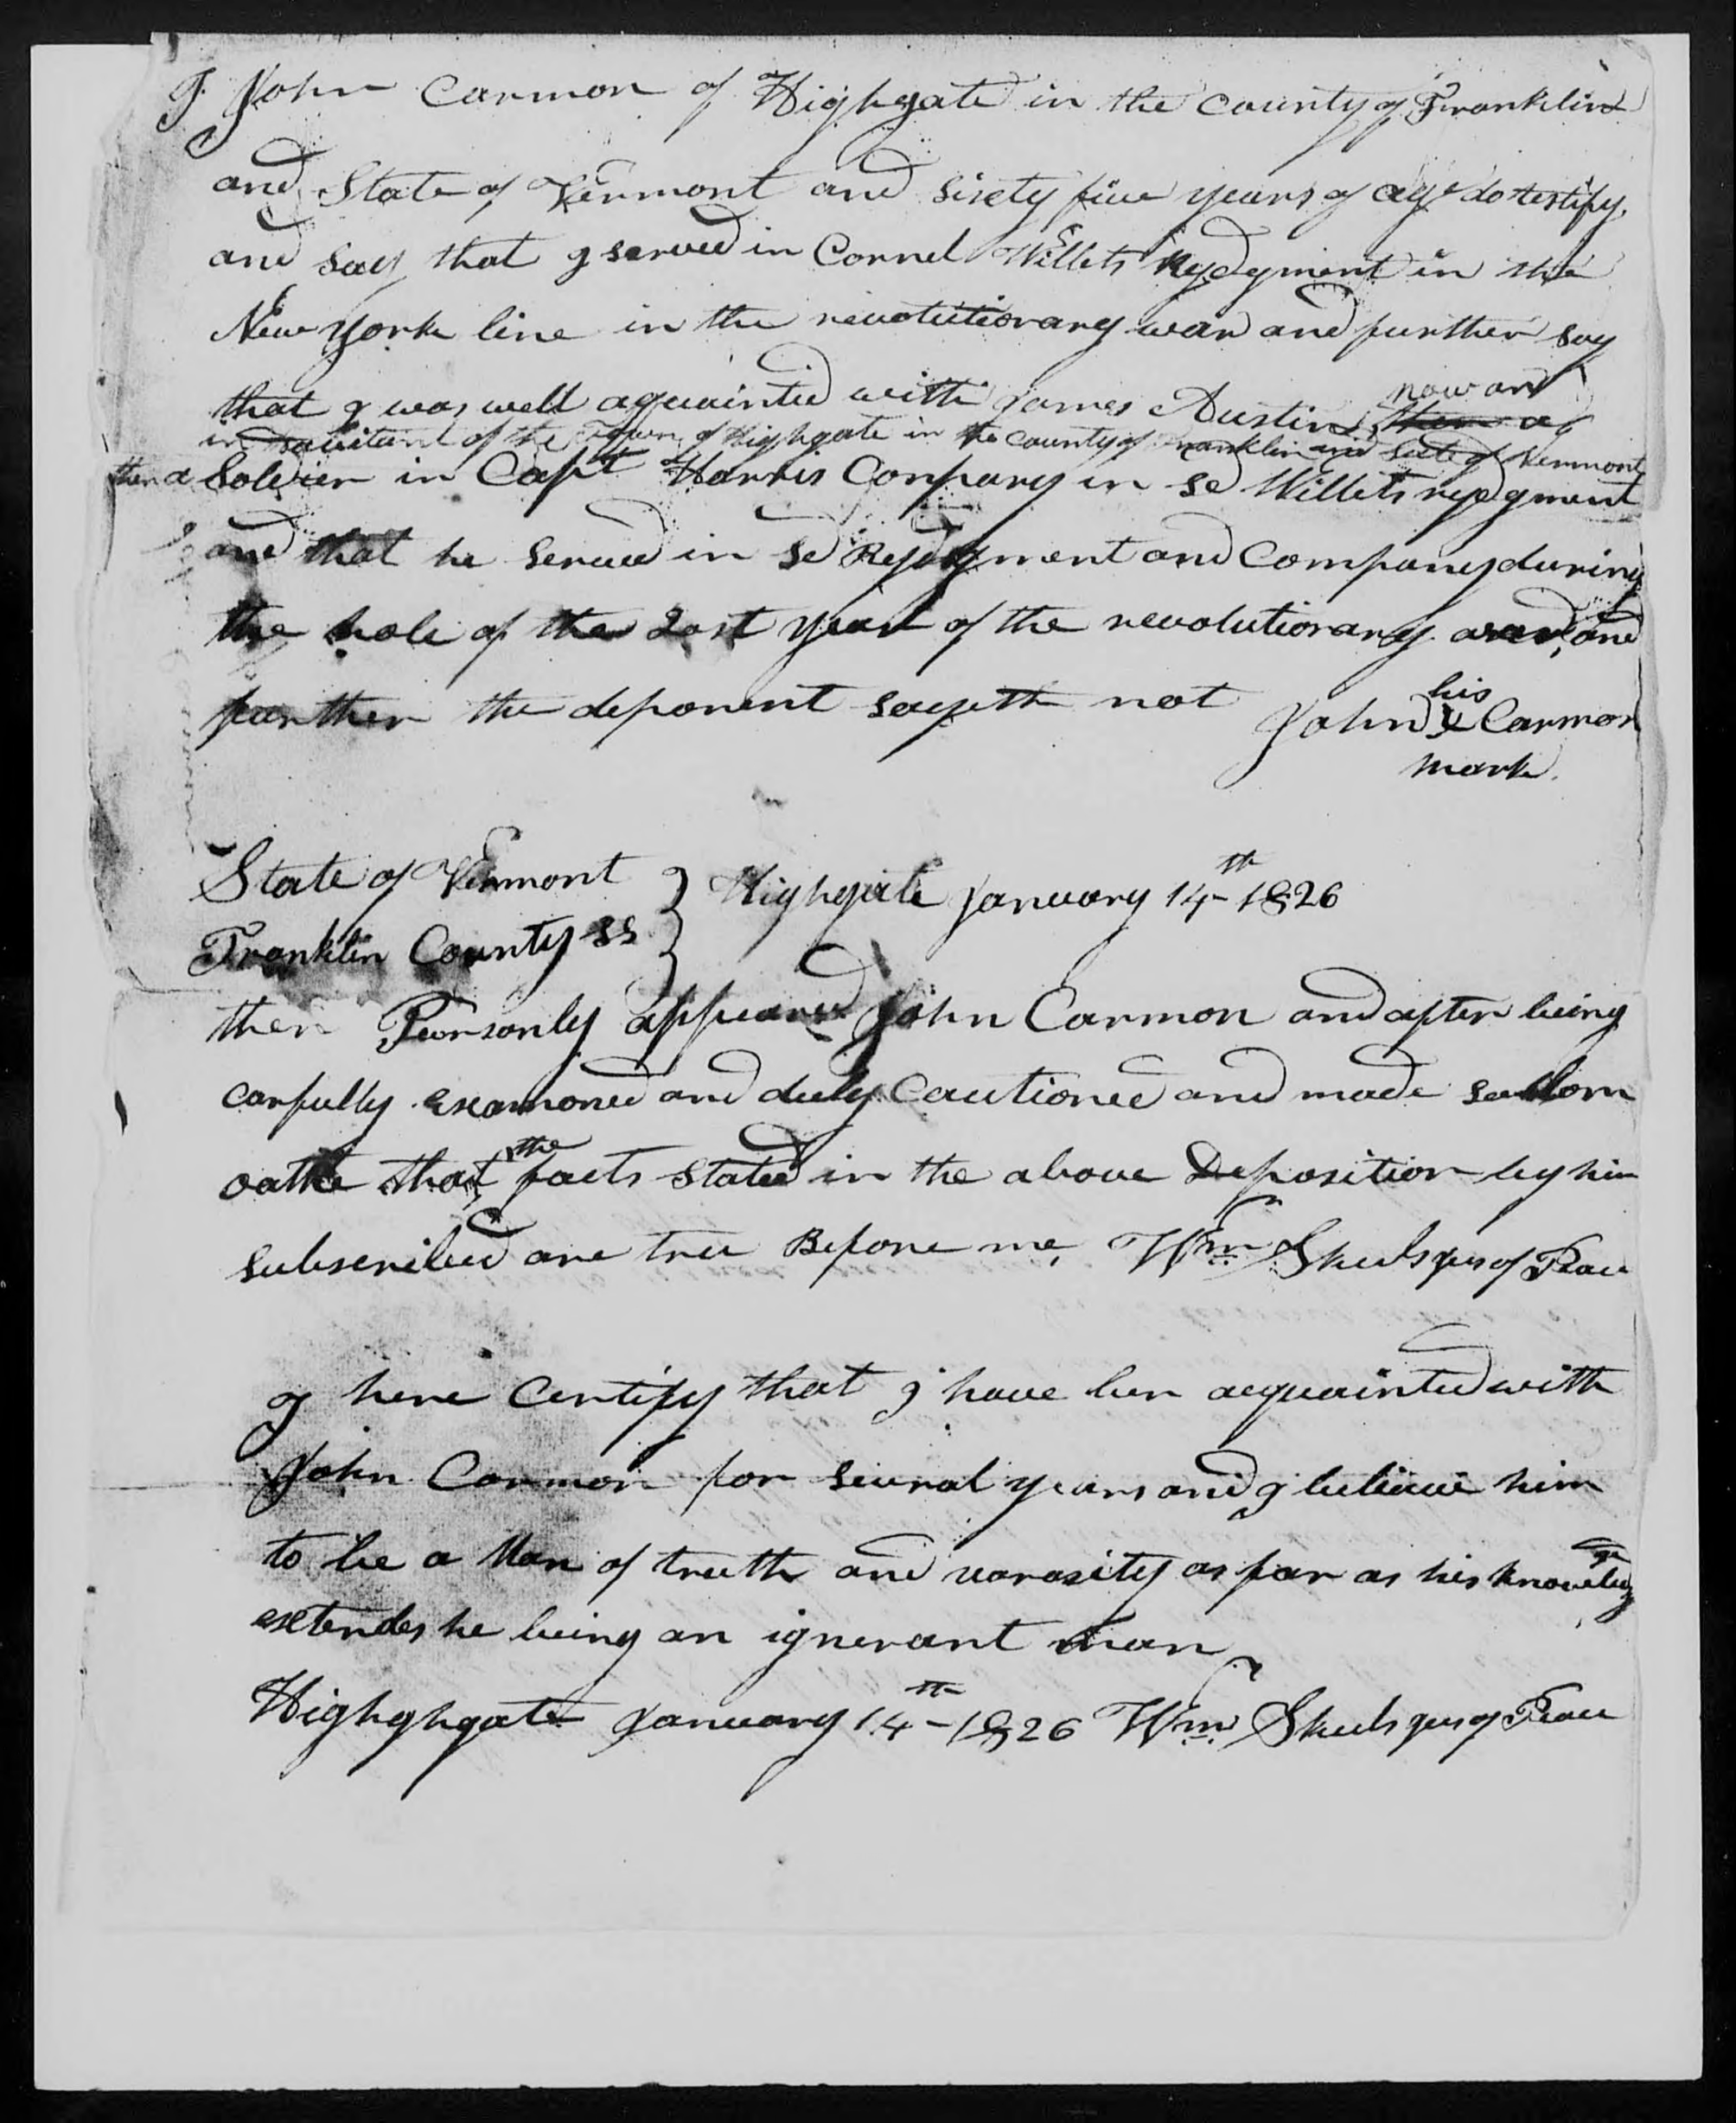I John  Carmon of Highgate in the county of Franklin and State of Vermont am sixty five years of age do testify and say that I served in Cornel [sic] Willets regiment in the New York line in the revolutionary war and further say that I was well acquainted with James Austin now an inhabitant of the Town of Highgate in the county of Franklin and State of Vermont then a soldier in Capt Harris Company in sd [said] Willets regiment and that he served in sd regiment and company during the hole of the last year of the revolutionary war, and further the deponent sayeth not 
John his mark Carmon

State of Vermont   } Highgate January
Franklin County ss } January 14th 1826
then personally appeared John Carmon and after being carefully examined and duly cautioned and made solemn oath that the facts stated in the above Deposition by him subscribed are true Before me, Wm Sheels jus of Peace

I here certify that I have ben acquainted with John Carmon for several years and I believe him to be a man of truth and veracity as far as his knowledge extends he being an ignerant man

Highghgate [sic] January 14th -- 1826
Wm. Sheels jus of Peace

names: John Carmon, James Austin, Wm Skeels, John Carmon, Wm Skeels, John Carmon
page: 77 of 100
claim: survivor's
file: S 19186, James Austin, Conn. New York R.I.